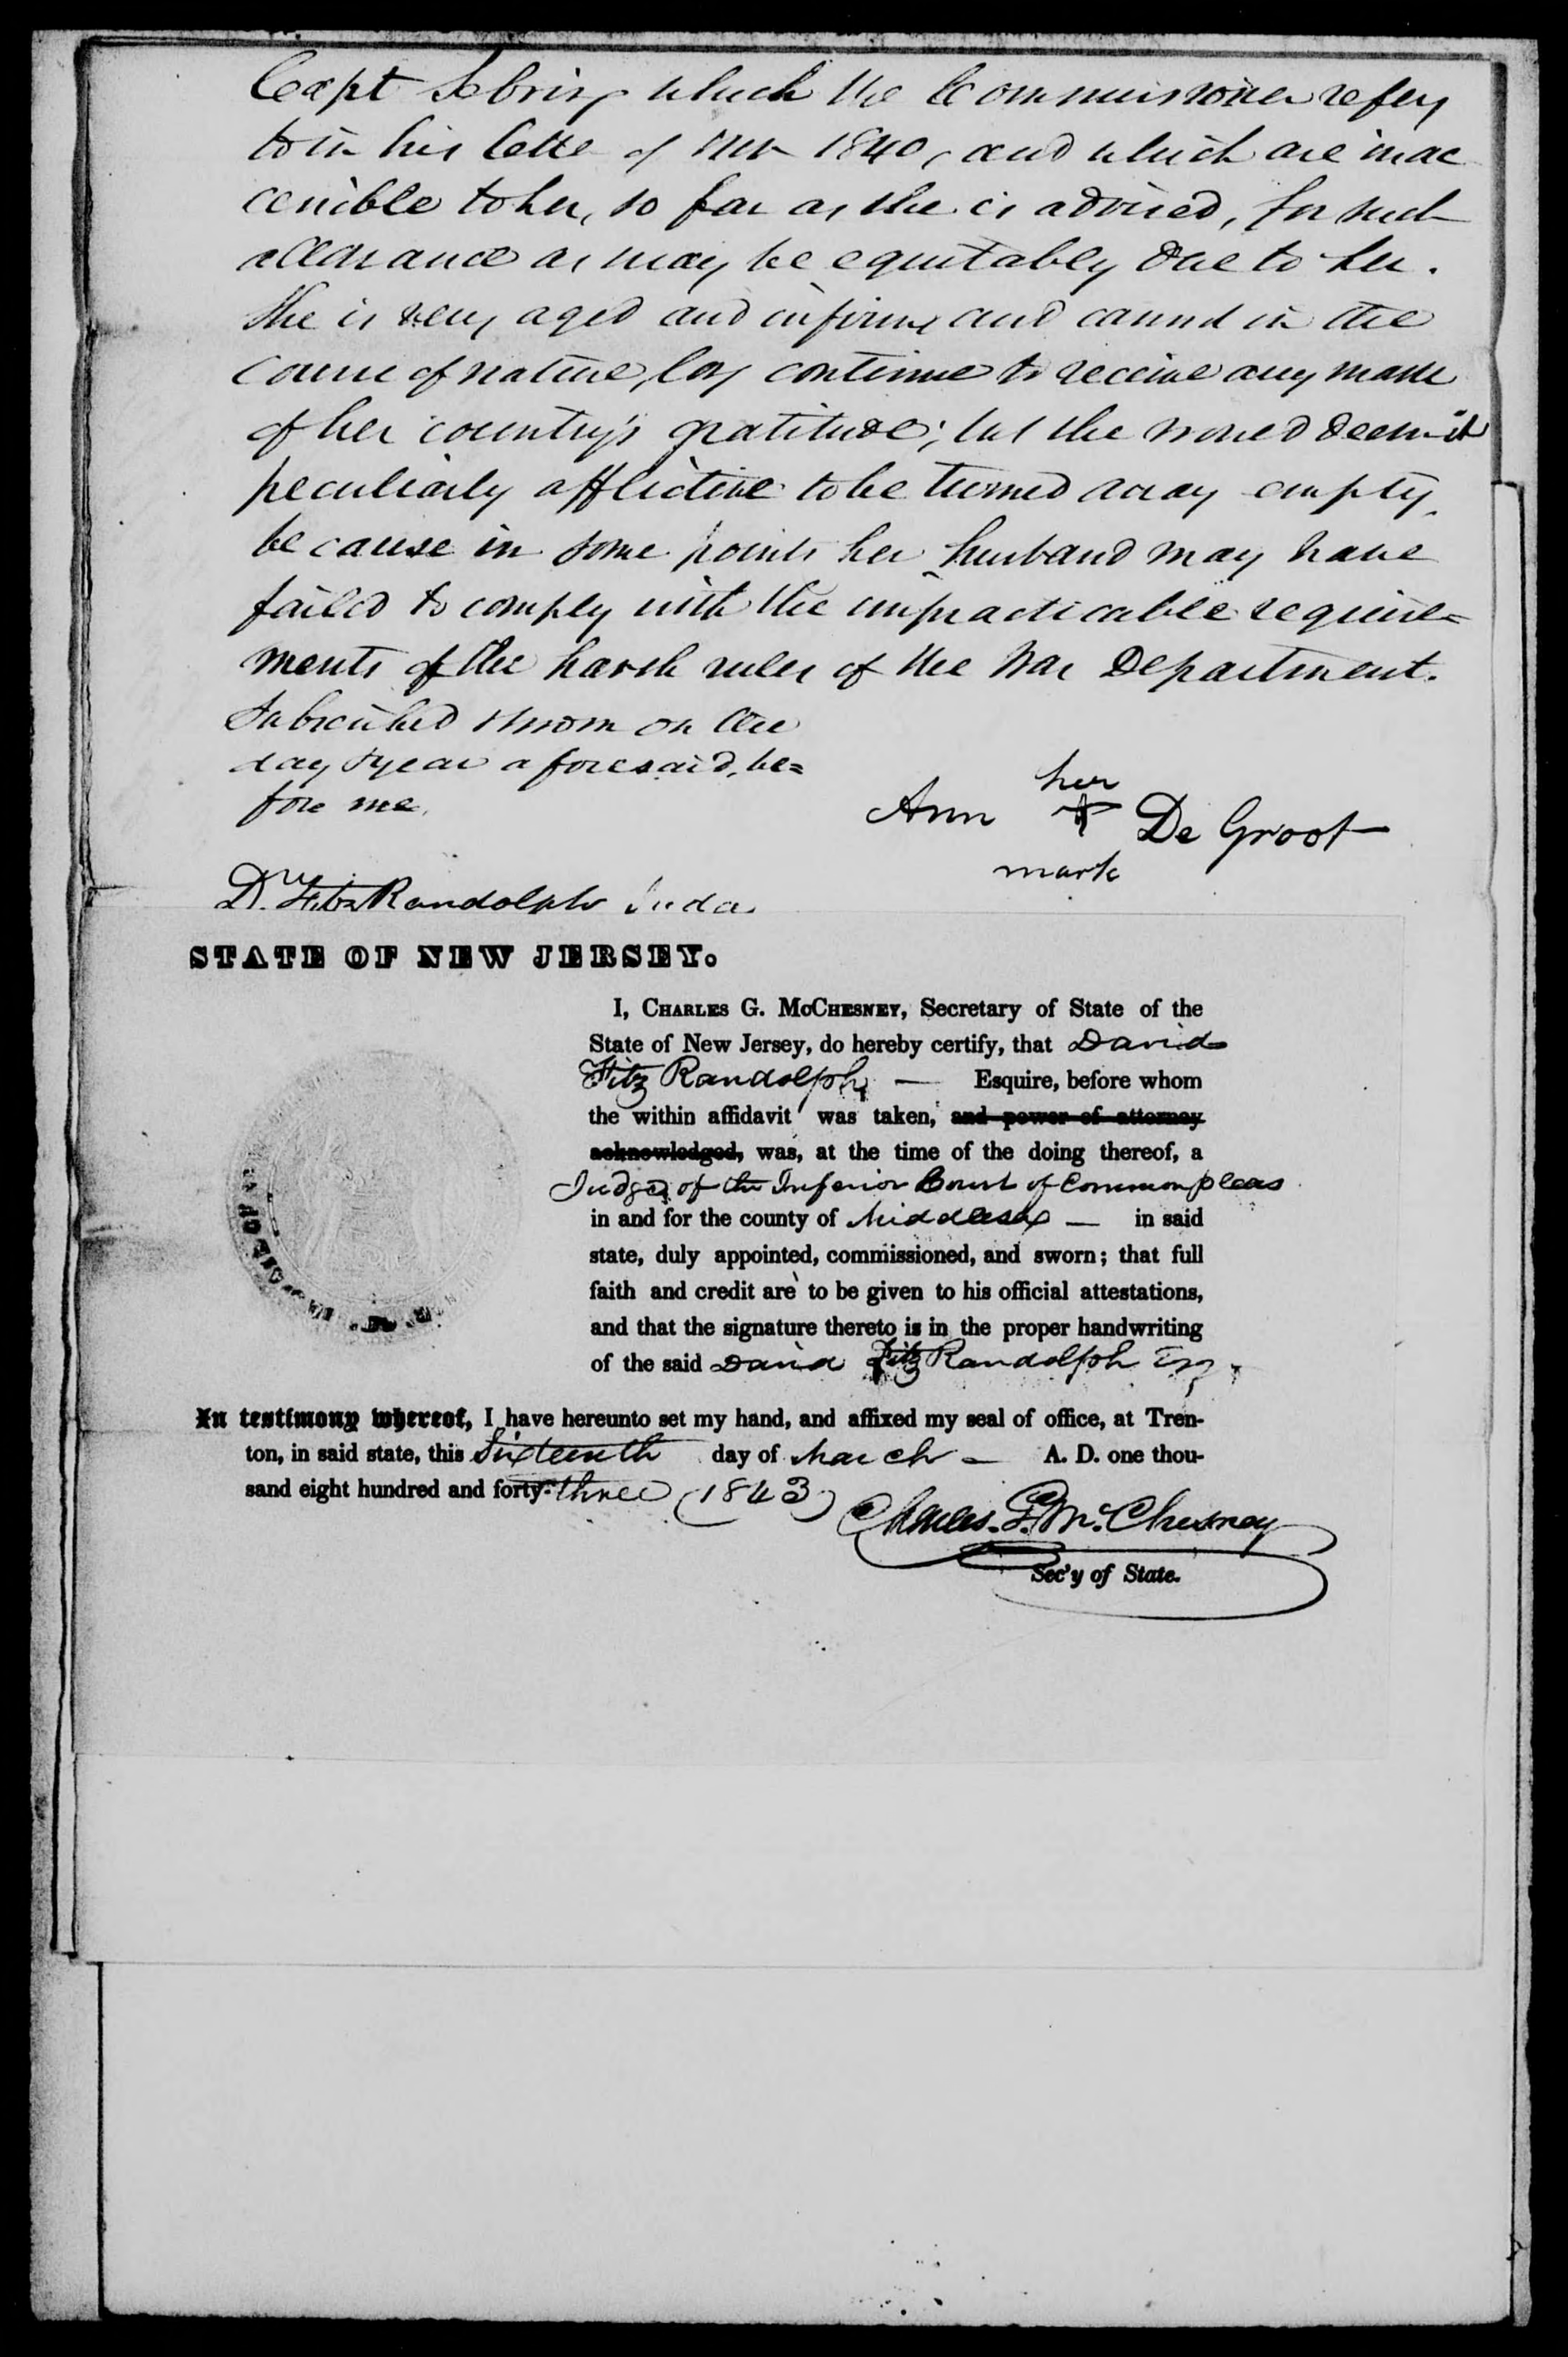Capt Sebring which the Commissioner refers
to in his letter of Nov 1840, and which are inaccessible to her, so far as she is advised, for such allowance as may be equitably due to her.
She is very aged and infirm and cannot in the
course of nature, long continue to receive any make of her country's gratitude; but she would deem it peculiarly afflictive to be turned away empty, because in some points her husband may have failed to comply with the impracticable requirements of the harsh rules of the War Department.
       her
Ann  X  De Groot
       mark

Subsched & Sworn on the
day & year aforesaid, before me
D. Fitz Randolph Judge



STATE OF NEW JERSEY.
I, CHARLES G. MCCHESNEY, Secretary of State of the State of New Jersey, do hereby certify, that David Fitz Randolph Esquire, before whom
the within affidavit was taken, ['and power of attorney acknowledged,' crossed out] was, at the time of the doing thereof, a Judge of the Inferior Court of Common Pleas in and for the county of Middlesex in said state, duly appointed, commissioned, and sworn; that full
faith and credit are to be given to his official attestations, and that the signature thereto is in the proper handwriting of the said David Fitz Randolph Esq.
[seal affixed at left]

In testimony whereof, I have hereunto set my hand, and affixed my seal of office, at Trenton, in said state, this sixteenth day of March A.D. one thousand eight hundred and forty-three (1843) 
Charles G. McChesney
Secy of State.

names: Ann De Groot, David Fitz Randolph, Sebring, David Fitz Randolph, Charles G Mc Chesney, D Fitz Randolph, Charles G Mc Chesney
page: 64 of 77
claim: widow's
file: W. 417, William De Groot, New Jersey